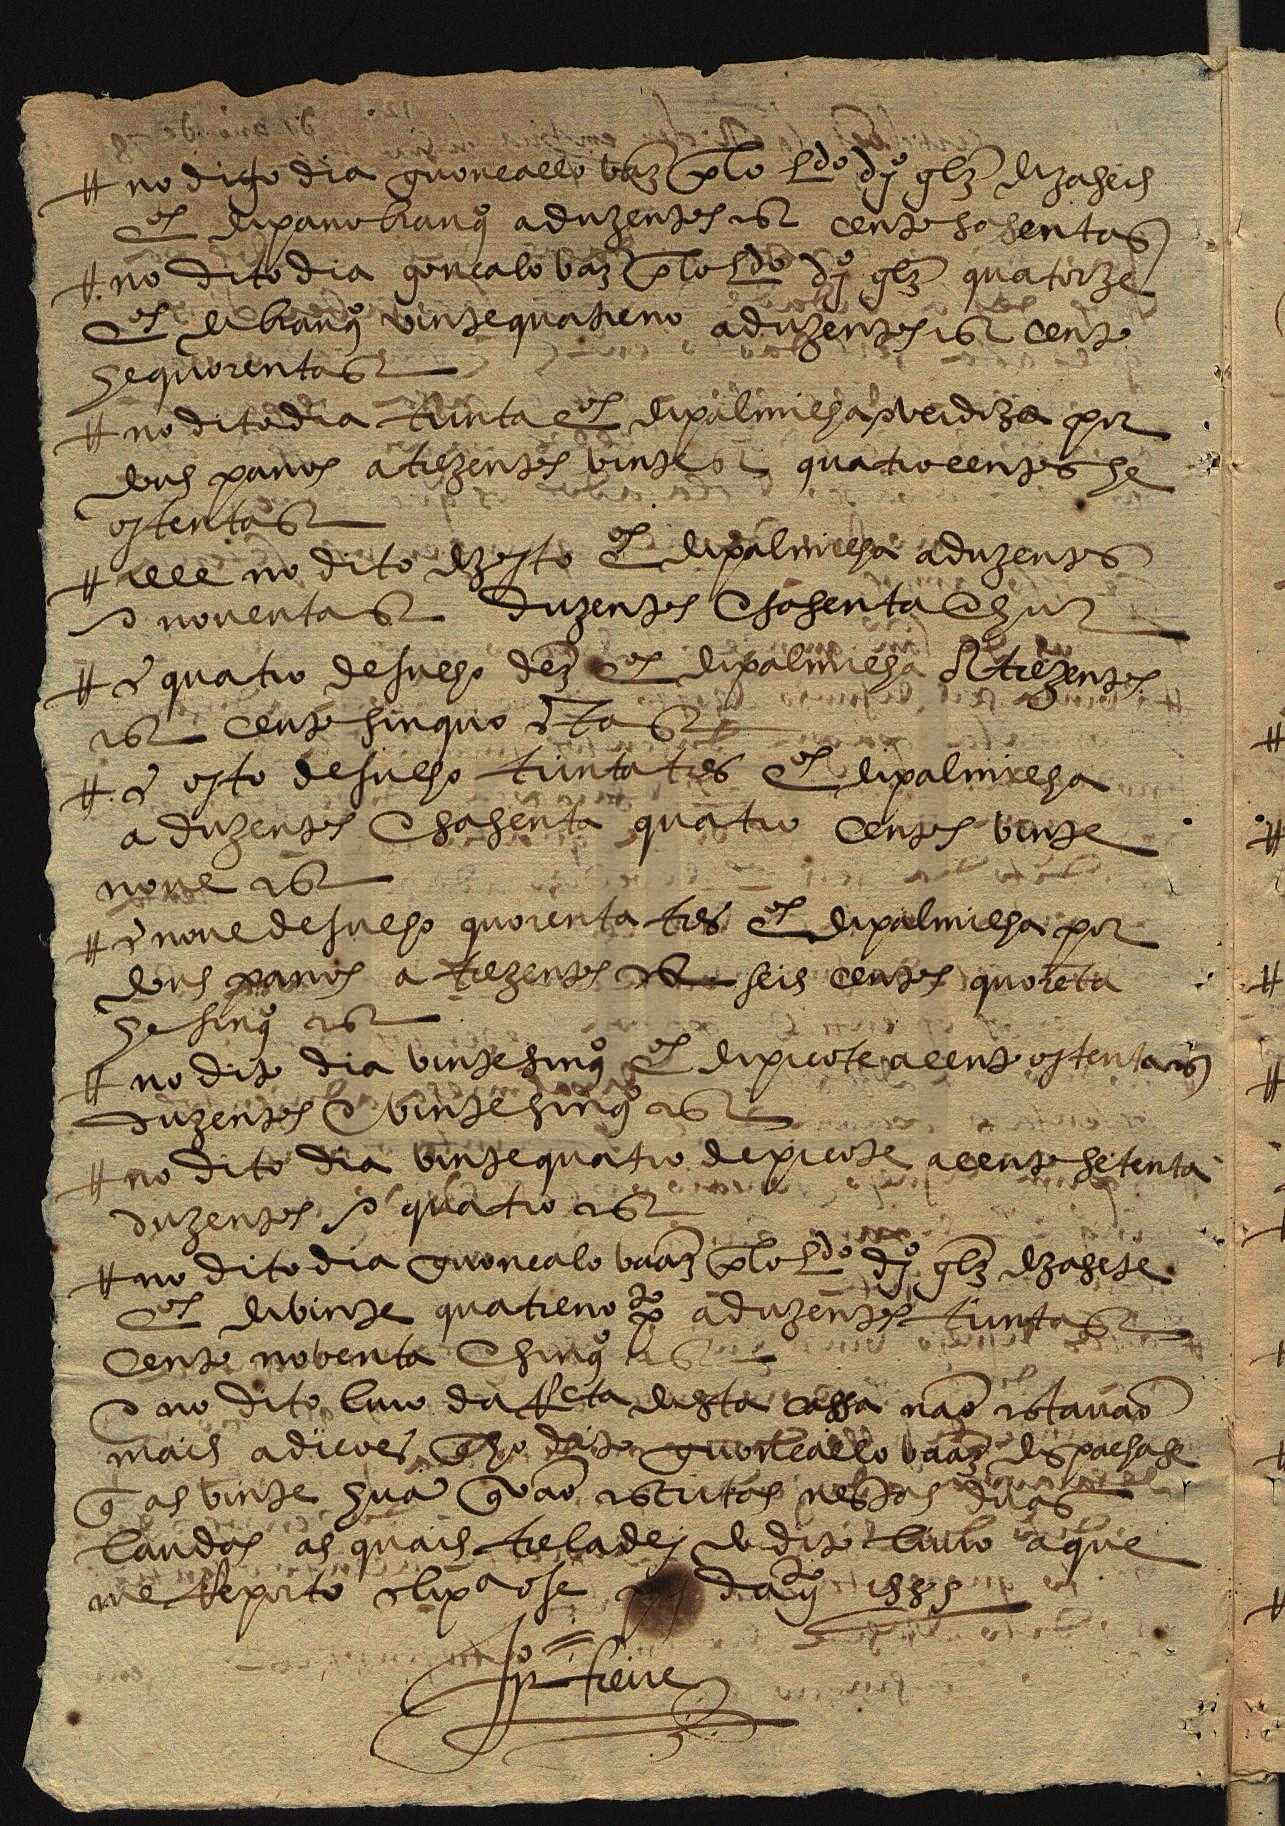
item no dito dia guonçallo vaz̄ p̄lo Ldo djo glz̄ dezaseis
cos de pano branqo a duzentos rs cento sasenta rs
item no dito dia gonçalo vaz̄ p̄lo Ldo djo glz̄ quatorze
Cos de branqo vinte quatreno a duzentos rs cento
he quorenta rs
item no dito dia trinta cos de palmilha e verdozo por
dous panos a trezentos vinte rs quatrocentos he
ojtenta rs
item elle no dito dezojto cos de palmilha a duzentos
e nouenta rs duzentos e sasenta e hum
item ē quatro de Julho dez̄ cos de palmilha A trezentos
rs cento sinquoēta rs
item ē ojto de Julho trinta tres cos de palmilha
a duzentos e sasenta quatrocentos vinte
noue rs
item ē noue de Julho quorenta tres cos de palmilha por
dous panos a trezentos rs seiscentos quorēta
he sinqo rs
item no dito dia vinte sinqo cos de picote a cento ojtenta rs
duzentos e vinte sinqo rs
item no dito dia vinte quatro de picote a cento setenta
duzentos e quatro rs
item no dito dia guonçalo vaāz p̄lo Ldo djo gl̄z dezasete
Cos de vinte quatreno pto a duzentos trinta rs
Cento noventa e sinqo rs
e no dito liuro da Rcta desta cassa não estauaõ
mais adiçoes q̄ ho dito guonçallo vaaz̄ despachase
q̄ as vinte hua q̄ vão escritas nestas duas
laudas as quais treladej do dito liuro a que
me Reporto ē lixa oJe _ xij dagto 1585
Jro freire
